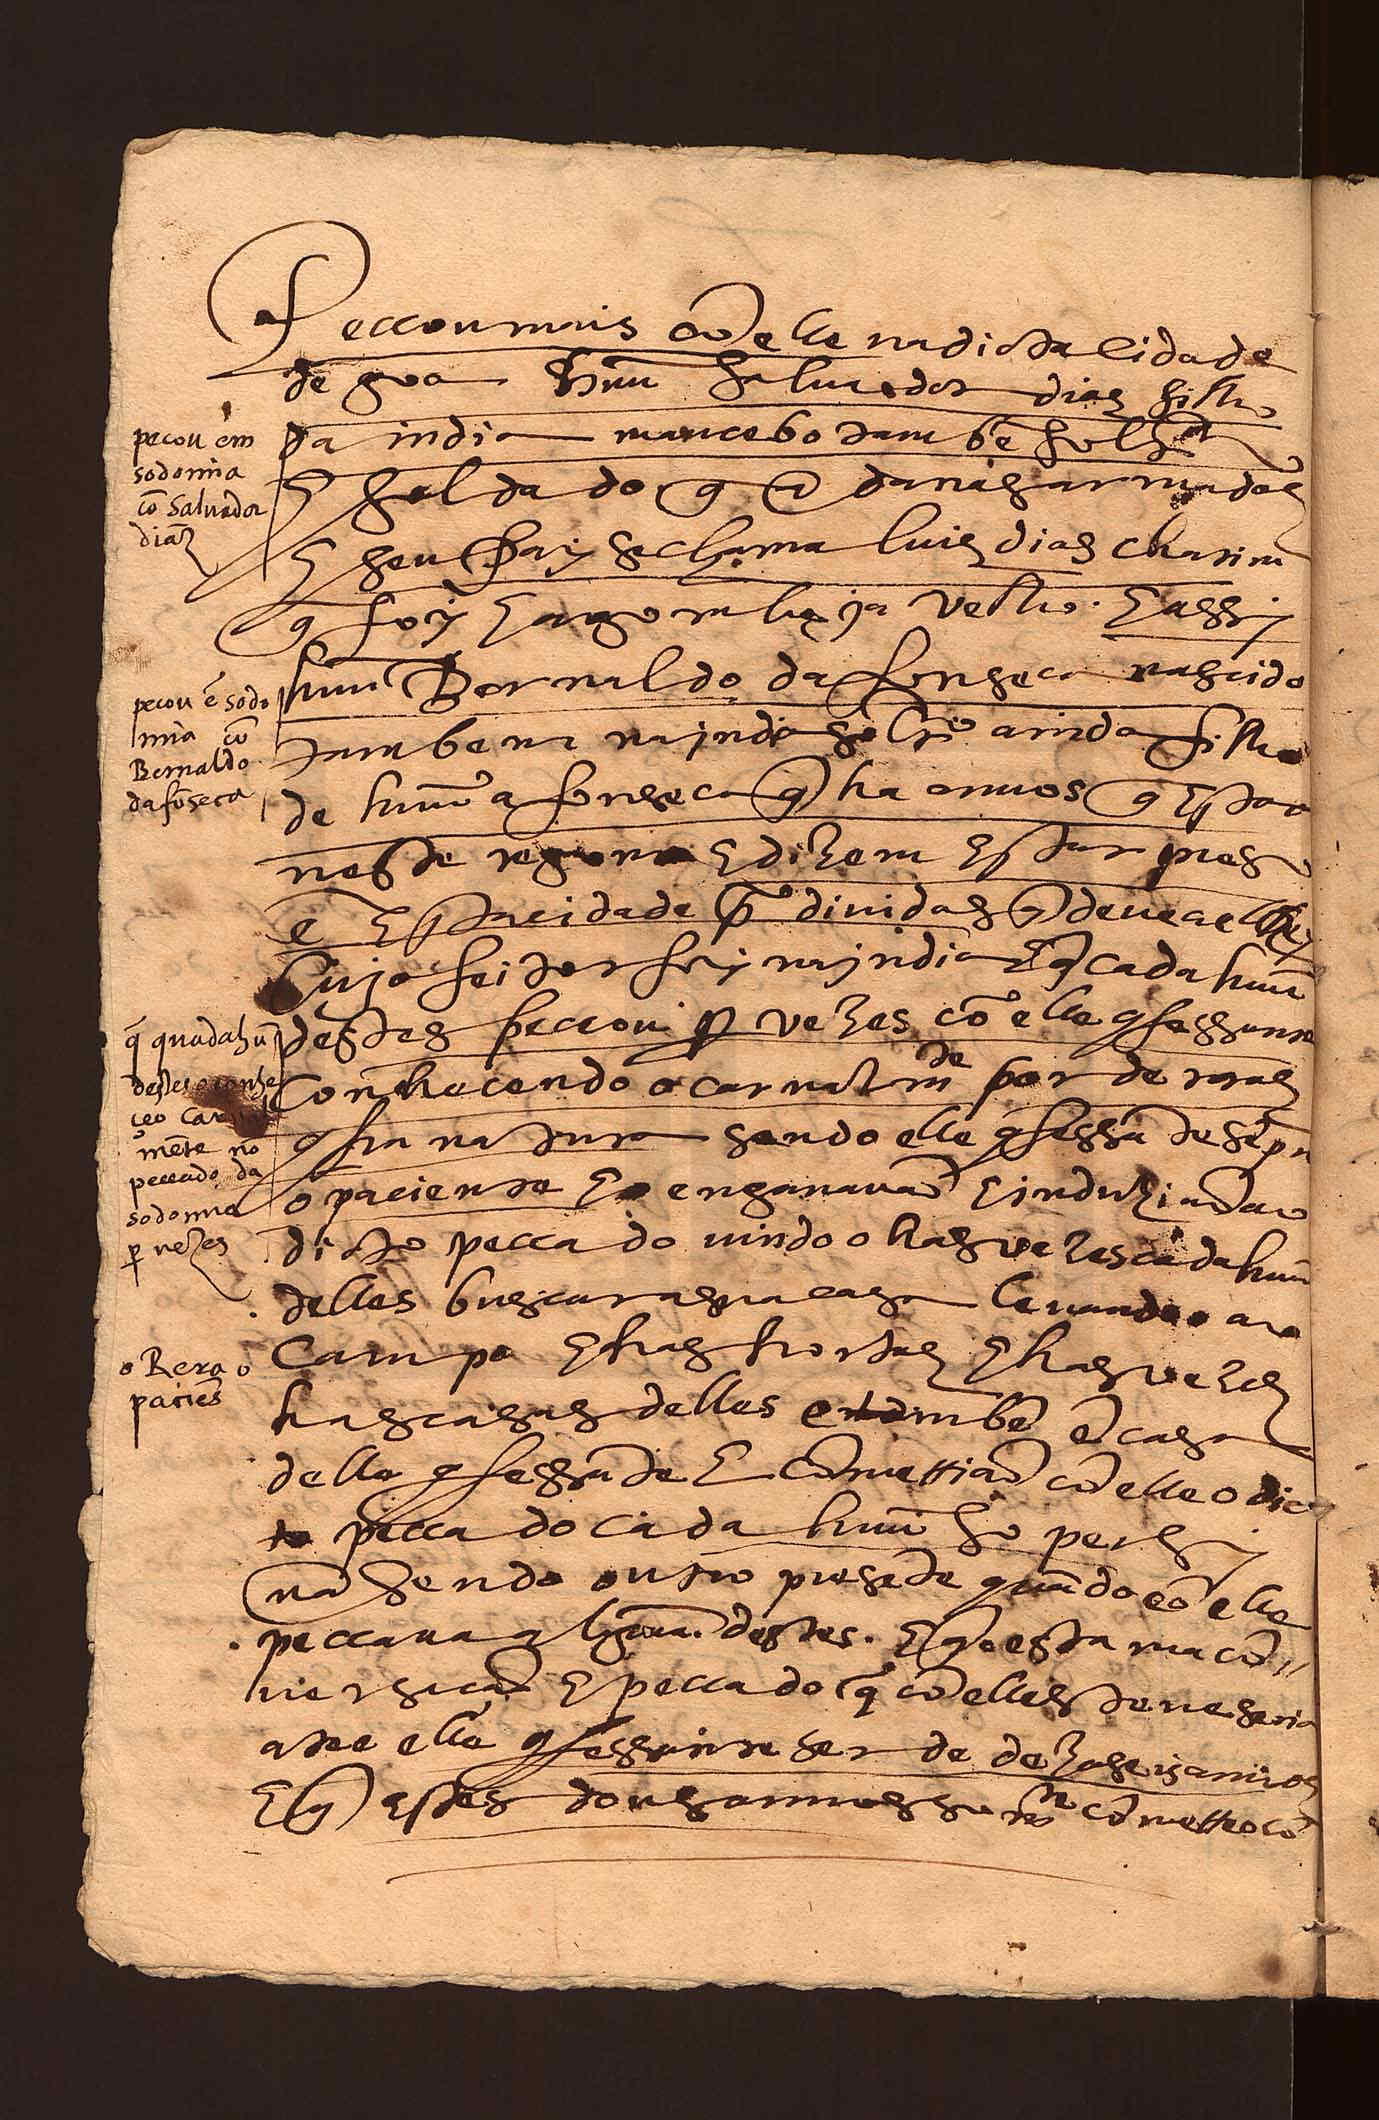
pecou em
sodomia
cō Saluador
diāz
pecou ē sodo
mia cō
Bernaldo
da fōseca
q̄ quada hū
destes o conhe
ceo carnal
mēte no
peccado da
sodomia
ꝑ uezes
o R era o
paciēs
Peccou mais cō elle na dicta cidade
de goa hūu saluador dias filho
da india mancebo tambē soltro
E soldado q̄ āda nas armadas
E seu pay se chama luis dias charim
q̄ foy E agora he ja velho. E assj
hūu Bernaldo da fonseca nascido
tambem na jndia soltro ainda filho
de hūu afonseca q̄ ha annos q̄ Estaa
neste reg_n_ E dizem Estar preso
ē Esta cidade p̄o diuidas q̄ deue a el Rej
Cujo feitor foj na jndia E q̄ cada hūu
destes peccou ꝑ vezes cō elle ꝯfessante
Conhecendoo carnalmte por de tras
ꝯtra natura sendo elle ꝯfessāte sēpr
o paciente E o enganauão E induziaõ ao
dicto peccado uindo o has vezes cada hūu
delles buscar a sua casa leuandoo ao
Campo E has hortas E has vezes
has casas delles e tambē ē casa
delle ꝯfessāte E cōmettião cō elle o dic
to peccado cada hūu so per sy
nā sendo outro presēte quādo cō elle
peccaua algūu destes. E q̄ o esta ma cō
uersação E peccado q̄ cō elles teue seria
atee elle ꝯfessante ser de dezaseis annos
E q̄ estes dous annos somte cōmetteo cō
